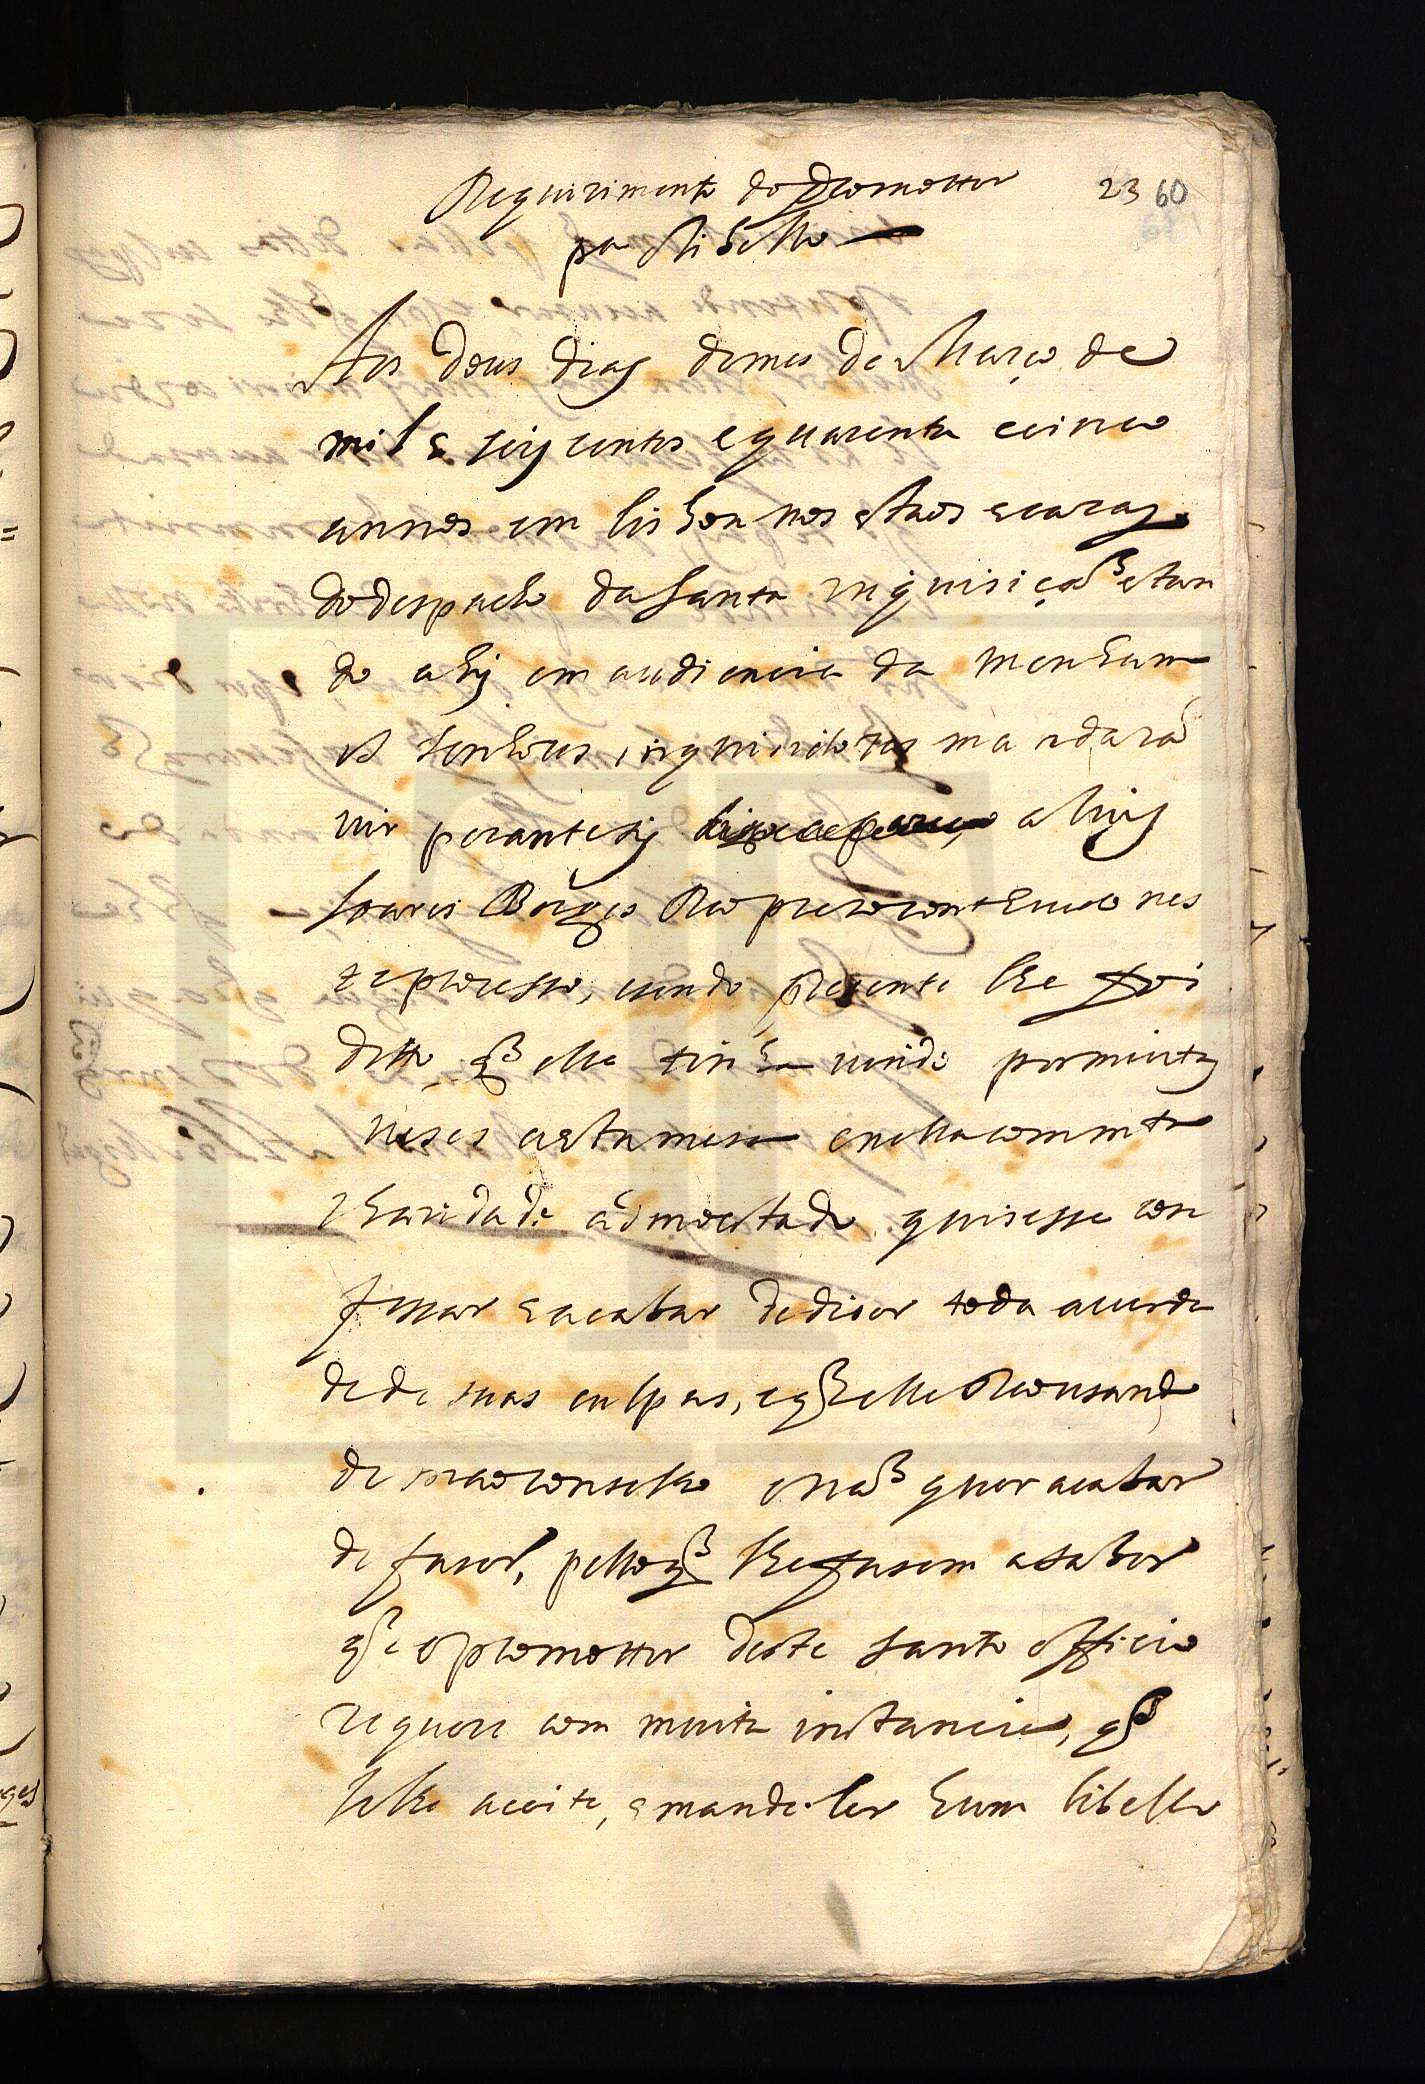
Requirimento do promottor
pa o libello
Aos dous dias do mes de Março de
mil E seiscentos e quarenta e cinco
annos em lisboa nos Estaos E cazas
do despacho da santa inquisiçaõ estan
do ahy em audiencia da menham
os senhores inquisidores mandaraõ
uir perante sy _ a luis
soares Borges Reo prezo contheudo nes
te processo, uindo presente lhe foi
ditto, q̄ elle tinha uindo por muitas
ueses a esta mesa e nella com mta
charidade admoestado quisesse con
firmar E acabar de diser toda a uerda
de de suas culpas, e q̄ elle Reo usando
de mao conselho o naõ quer acabar
de faser, pello que lhe fasem a saber
q̄ o promottor deste santo officio
requere com muita instancia, q̄
se lhe aceite, E mande ler hum libello
